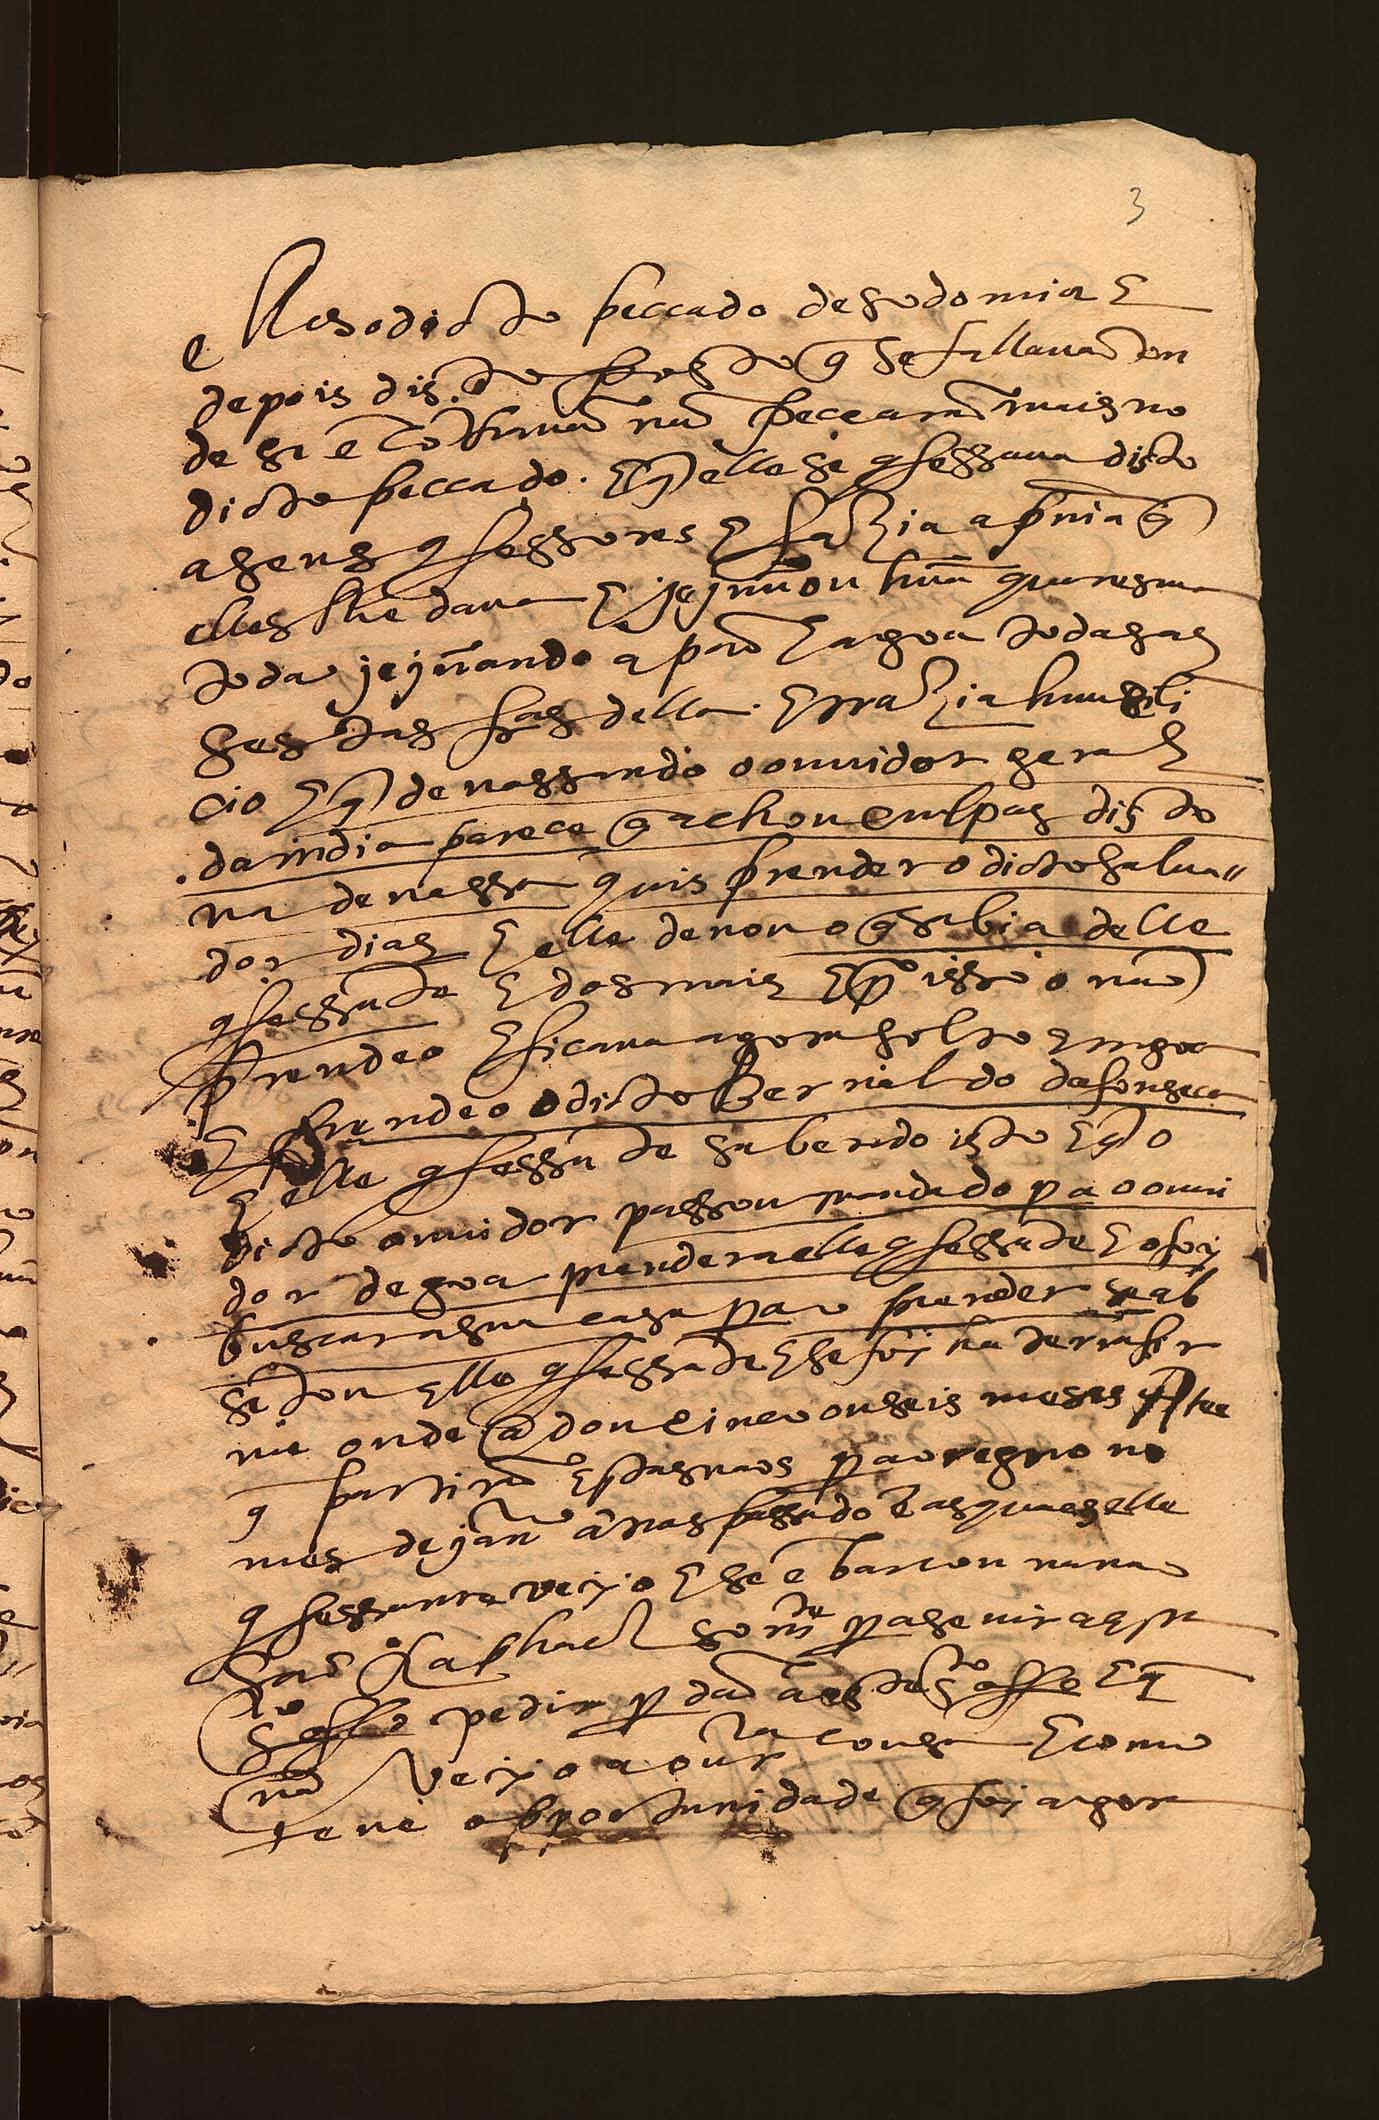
elles o dicto peccado de sodomia E
depois disto posto q̄ se fallauão on
de se ēcōtrauão naõ peccarão mais no
dicto peccado. E q̄ elle se ꝯfessaua disto
a seus ꝯfessores E fazia a p̄nia q̄
elles lhe daua E jejūuou hūa quaresma
toda jejūando a pão E agoa todas as
sestas fras della. E trazia hūu sili
cio E q̄ deuassando o ouuidor geral
da india parece q̄ achou culpas disto
na deuassa quis prender o dicto salua
dor dias E elle de nouo q̄ sabia delle
ꝯfessāte E dos mais E p̄o isso o não
prendeo E ficaua agora solto Em goa
E prendeo o dicto Bernaldo da fonseca
E elle ꝯfessāte sabendo isto E q̄ o
dicto ouuidor passou mandado ꝑa o ouui
dor de goa prender a elle ꝯfessāte E o foy
buscar a sua casa ꝑa o prender se ab
sētou Elle ꝯfessāte E se foj ha terra fir
me onde ādou cinco ou seis meses Atee
q̄ partirão Estas naos ꝑa o regno no
mes de janro ātras passado ē as quaes elle
ꝯfessante veyo E se ēbarcou na nao
Saõ Raphael somte ꝑa se uir a Este
Sto offo pedir ꝑdão a este sto offo E q̄
nā veyo a outra cousa E como
teue opportunidade q̄ foj agora
